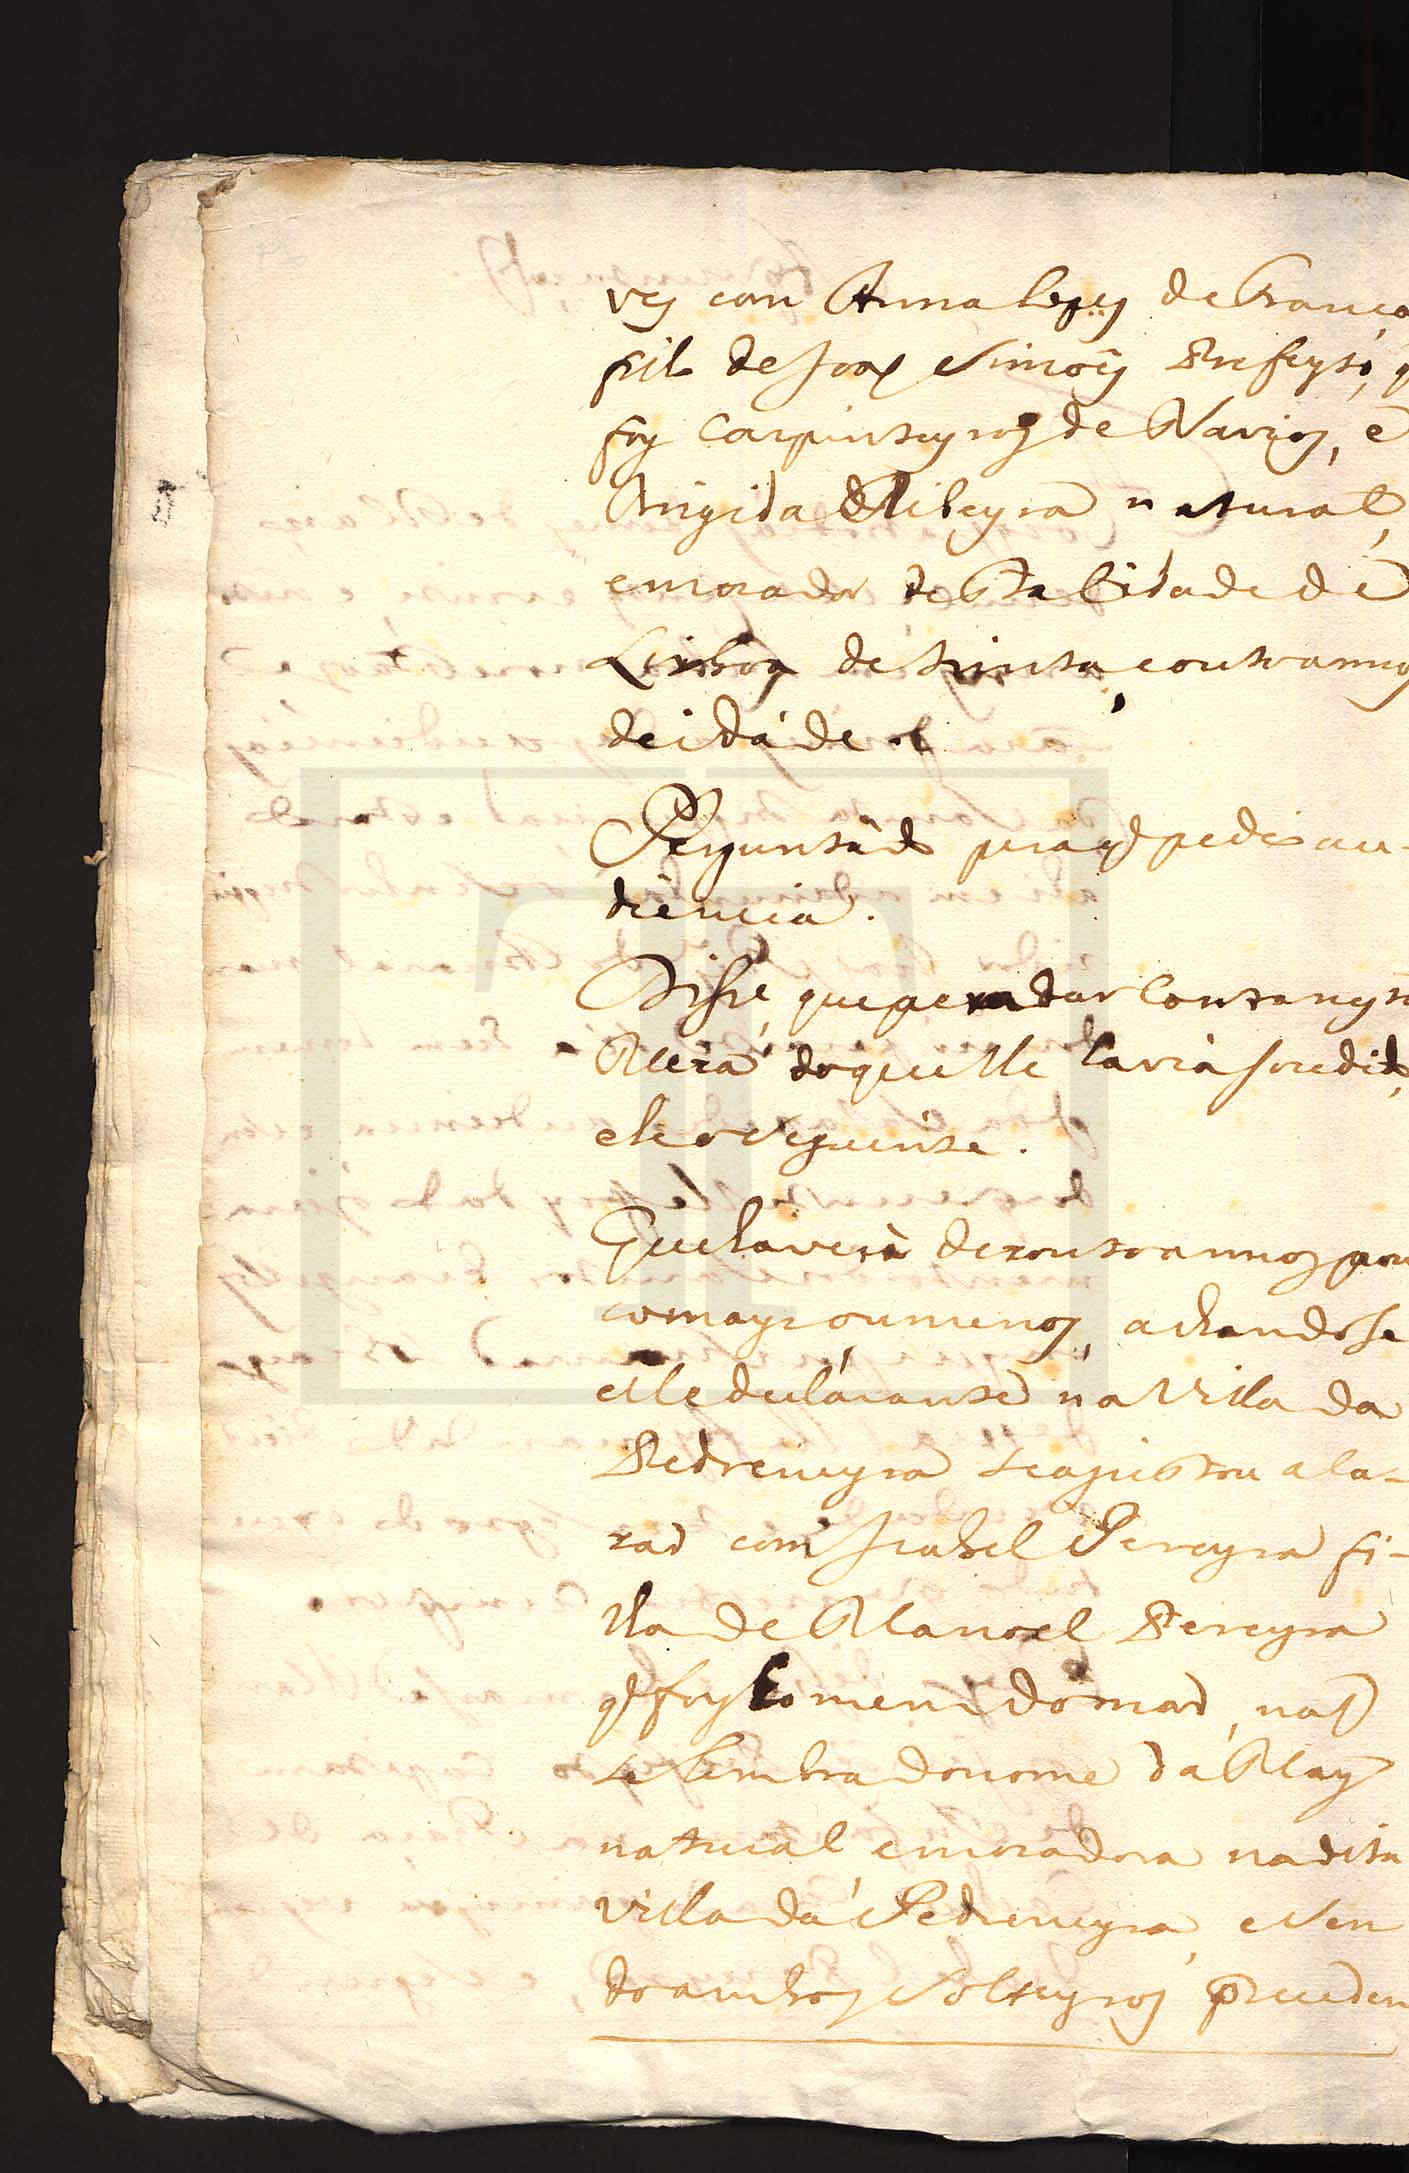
ves com Anna lopes de França
filho de Joaõ Simoẽs prefeyto, q
foy carpinteyros de Navios, e
Brigida Ribeyra natural
e morador desta Cidade de
Lisboa de trinta e outo annos
de idade
Perguntado pera q̄ pedio au
diencia.
Disse, que pera dar conta nest
Meza do que lhe havia socedido,
e he o seguinte.
Que haverá dezouto annos pou
co mays ou menos, achandose
elle declarante na Villa da
Pedreneyra se ajustou a Ca
zar com Jzabel Pereyra fi
lha de Manoel Pereyra
q̄ foy homem do mar, naõ
se lembra do nome da May
natural, e moradora na dita
villa da Pedreneyra, e sen
do ambos solteyros pReceden
